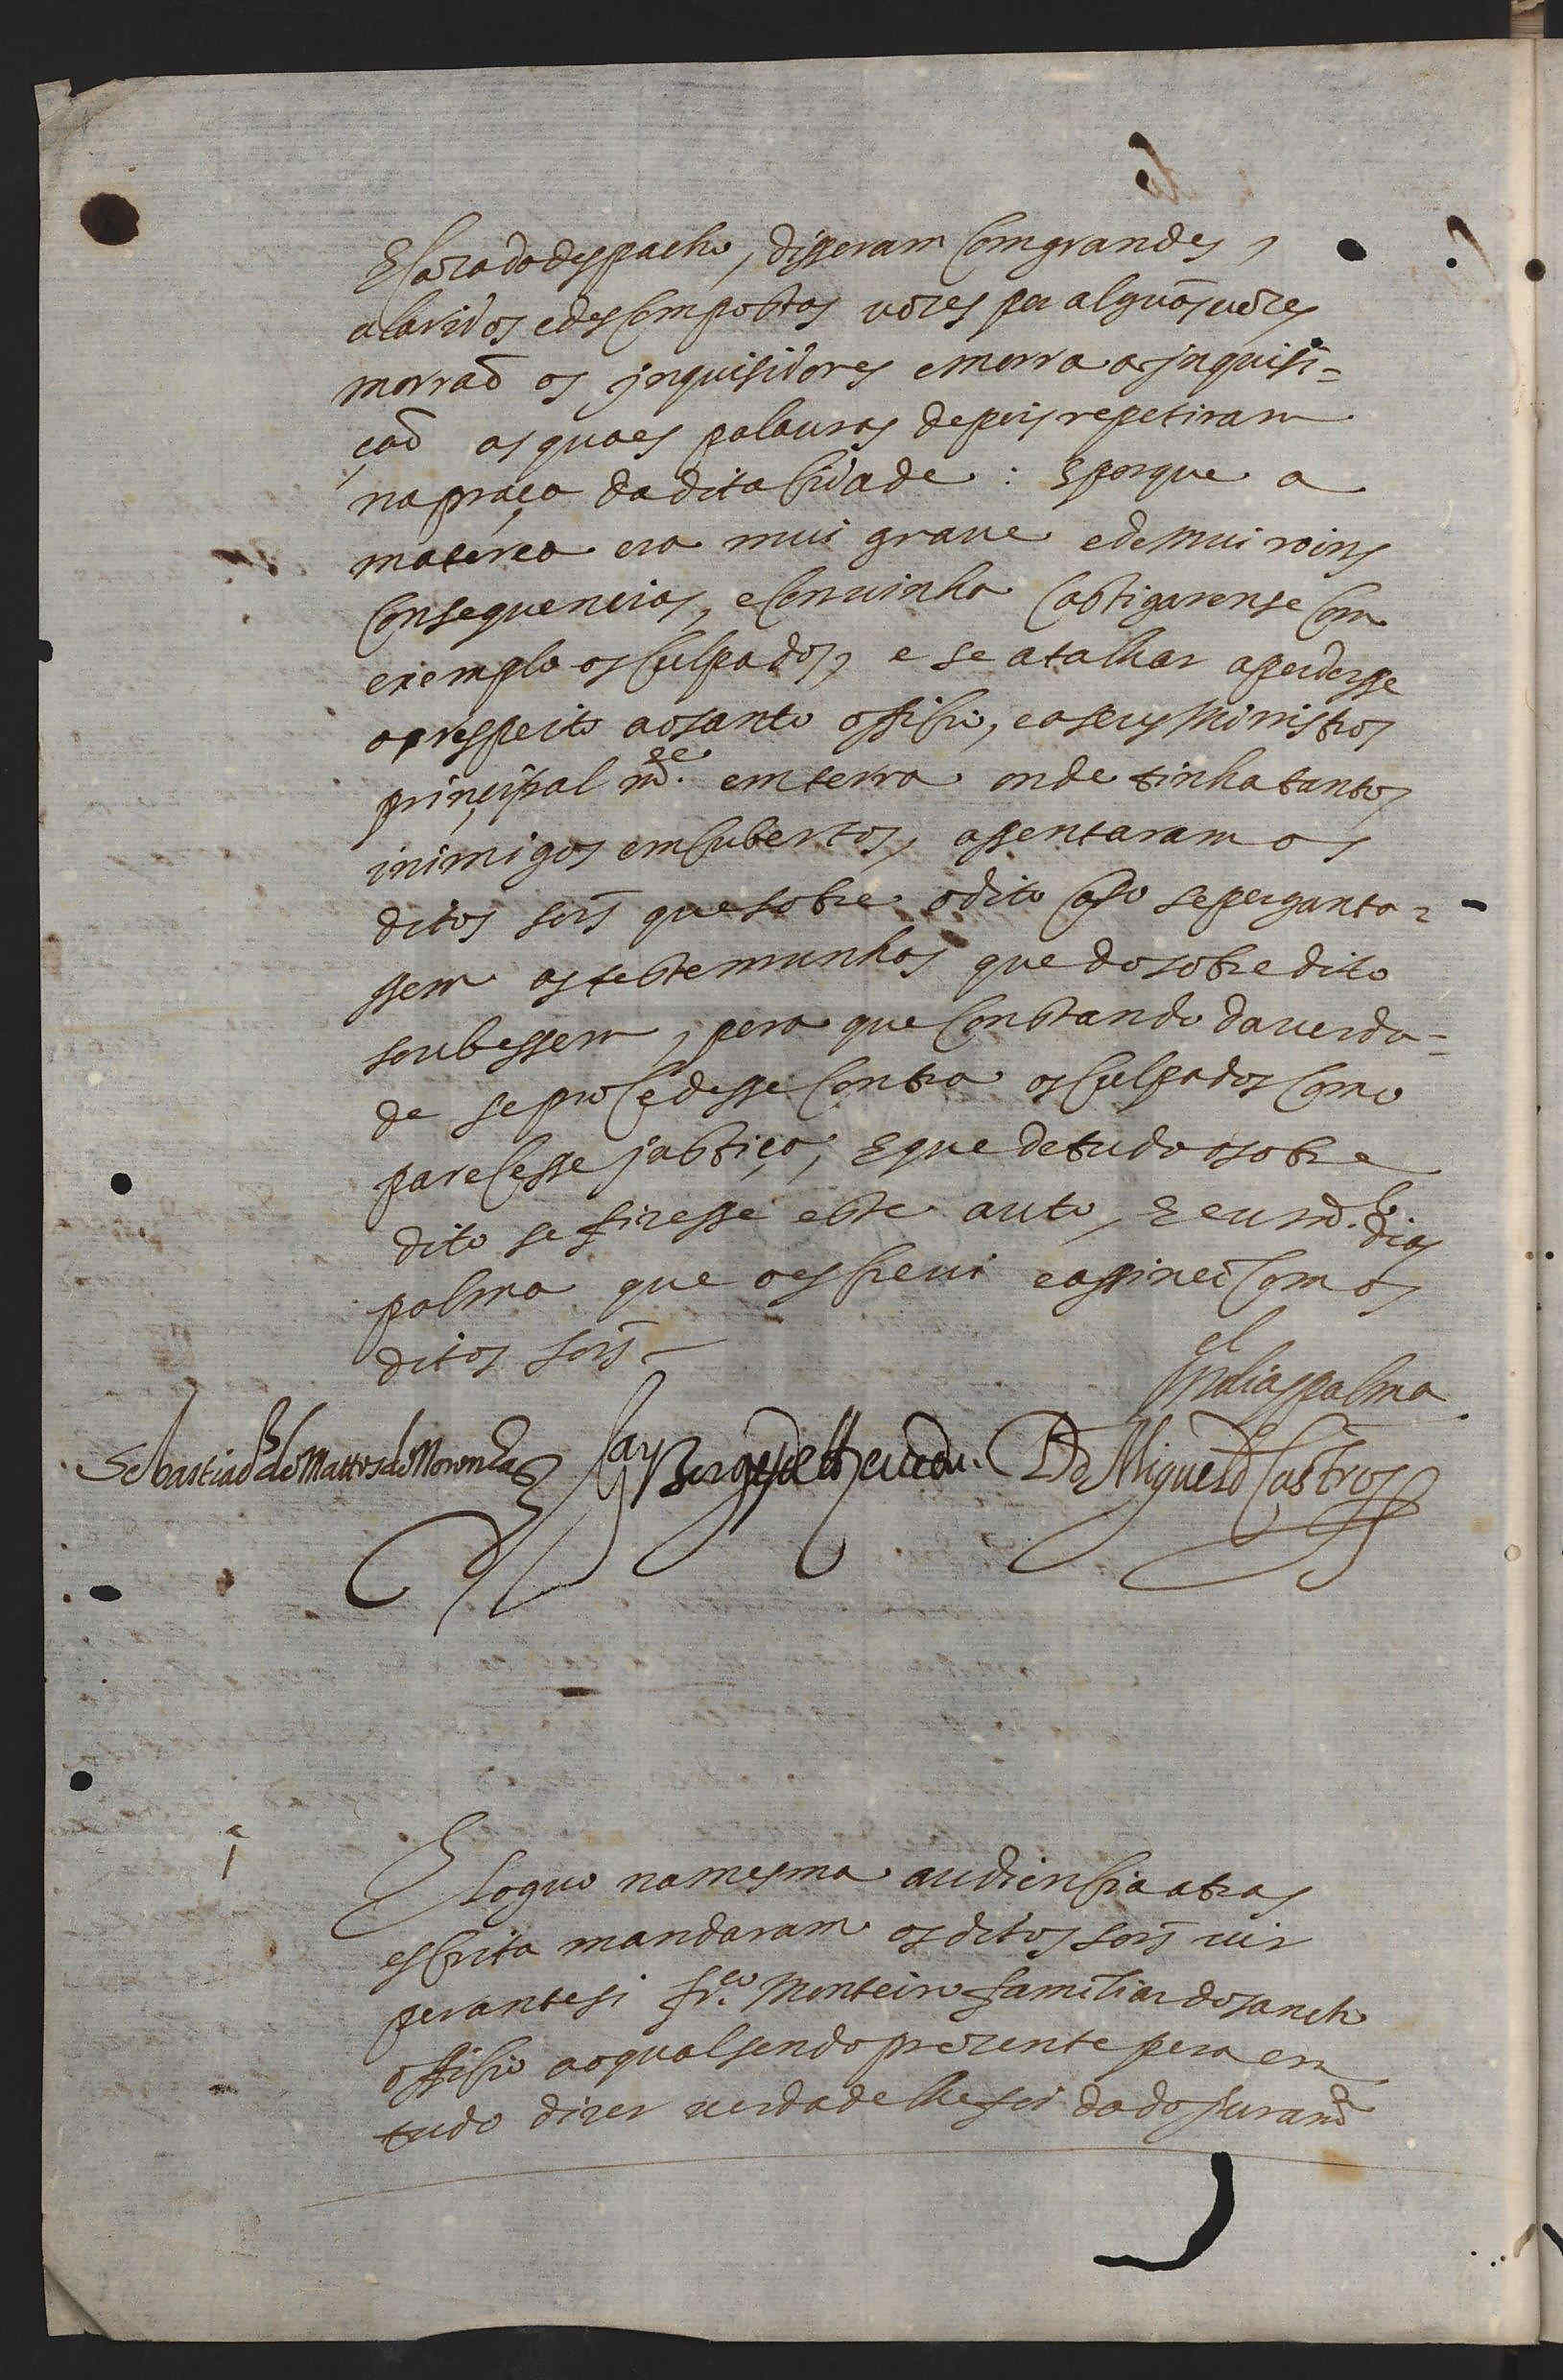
E Caza do despacho, disseram Com grandes
alaridos e descompostas uozes por alguās uezes
morraõ os jnquisidores e morra a jnquisi
çaõ as quaes palauras depois repetiram
na praça da dita Cidade: E porque a
materea era mui grave e de mui roins
Consequencias, e Conuinha Castigarense Com
exemplo os Culpados, e se atalhar a perdersse
o_ respeito ao santo officio, e a seus Ministros
principalm.te em terra onde tinha tantos
inimigos emcubertos, assentaram os
ditos sōrs que sobre o dito Caso se pergunta
ssem as testemunhas que do sobredito
soubessem, pera que Constando da uerda
de se proCedesse Contra os Culpados Como
pareCesse justiça, E que de tudo o sobre
dito se fizesse este auto, E eu m.el dias
palma, que o esCreui e assinei Com os
ditos sōrs
Mel dias palma
Sebastiaõ de Mattos de Noronha
Gar Borges de
Dō Miguel d Castros
E loguo na mesma audiencia atras
esCrita mandaram os ditos sor̄s uir
perante si fr.co Monteiro familiar do sancto
officio ao qual sendo prezente pera em
tudo dizer uerdade lhe foi dado juramto
